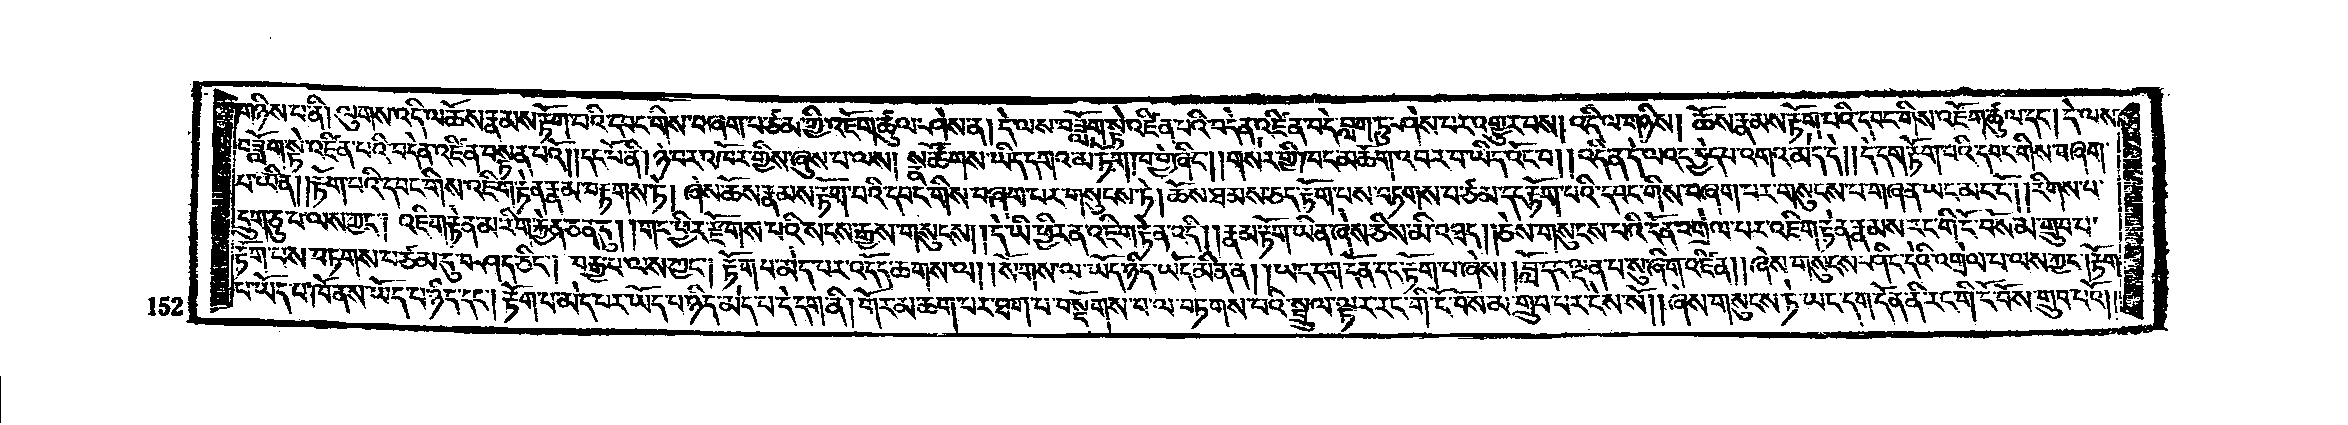གཉིས་པ་ནི། ལུགས་འདི་ལ་ཆོས་རྣམས་རྟོག་པའི་དབང་གིས་བཞག་པ་ཙམ་གྱི་འཇོག་ཚུལ་ཤེས་ན། དེ་ལས་བཟློག་སྟེ་འཛིན་པའི་བདེན་འཛིན་བདེ་བླག་ཏུ་ཤེས་པར་འགྱུར་བས། འདི་ལ་གཉིས། ཆོས་རྣམས་རྟོག་པའི་དབང་གིས་འཇོག་ཚུལ་དང་། དེ་ལས་
བཟློག་སྟེ་འཛིན་པའི་བདེན་འཛིན་བསྟན་པའོ། །དང་པོ་ནི། ཉེ་བར་འཁོར་གྱིས་ཞུས་པ་ལས། སྣ་ཚོགས་ཡིད་དགའ་མེ་ཏོག་ཁ་བྱེ་ཞིང་། །གསེར་གྱི་ཁང་མཆོག་འབར་བ་ཡིད་འོང་བ། །འདི་ན་དེ་ལའང་བྱེད་པ་འགའ་མེད་དེ། །དེ་དག་རྟོག་པའི་དབང་གིས་བཞག་
པ་ཡིན། །རྟོག་པའི་དབང་གིས་འཇིག་རྟེན་རྣམ་བརྟགས་ཏེ། ཞེས་ཆོས་རྣམས་རྟོག་པའི་དབང་གིས་བཞག་པར་གསུངས་ཏེ། ཆོས་ཐམས་ཅད་རྟོག་པས་བཏགས་པ་ཙམ་དང་རྟོག་པའི་དབང་གིས་བཞག་པར་གསུངས་པ་གཞན་ཡང་མང་ངོ། །རིགས་པ་
དྲུག་ཅུ་པ་ལས་ཀྱང་། འཇིག་རྟེན་མ་རིག་རྐྱེན་ཅན་དུ། །གང་ཕྱིར་རྫོགས་པའི་སངས་རྒྱས་གསུངས། །དེ་ཡི་ཕྱིར་ན་འཇིག་རྟེན་འདི། །རྣམ་རྟོག་ཡིན་ཞེས་ཅིས་མི་འཐད། །ཅེས་གསུངས་པའི་དོན་འགྲེལ་པར་འཇིག་རྟེན་རྣམས་རང་གི་ངོ་བོས་མ་གྲུབ་པ་
རྟོག་པས་བཏགས་པ་ཙམ་དུ་བཤད་ཅིང་། བརྒྱ་པ་ལས་ཀྱང་། རྟོག་པ་མེད་པར་འདོད་ཆགས་ལ། །སོགས་ལ་ཡོད་ཉིད་ཡོད་མིན་ན། །ཡང་དག་དོན་དང་རྟོག་པ་ཞེས། །བློ་དང་ལྡན་པ་སུ་ཞིག་འཛིན། །ཞེས་གསུངས་ཤིང་དེའི་འགྲེལ་པ་ལས་ཀྱང་། རྟོག་
པ་ཡོད་པ་ཁོ་ནས་ཡོད་པ་ཉིད་དང་། རྟོག་པ་མེད་པར་ཡོད་པ་ཉིད་མེད་པ་དེ་དག་ནི། གོར་མ་ཆག་པར་ཐག་པ་བསྡོགས་པ་ལ་བཏགས་པའི་སྦྲུལ་ལྟར་རང་གི་ངོ་བོས་མ་གྲུབ་པར་ངེས་སོ། །ཞེས་གསུངས་ཏེ་ཡང་དག་དོན་ནི་རང་གི་ངོ་བོས་གྲུབ་པའོ། །